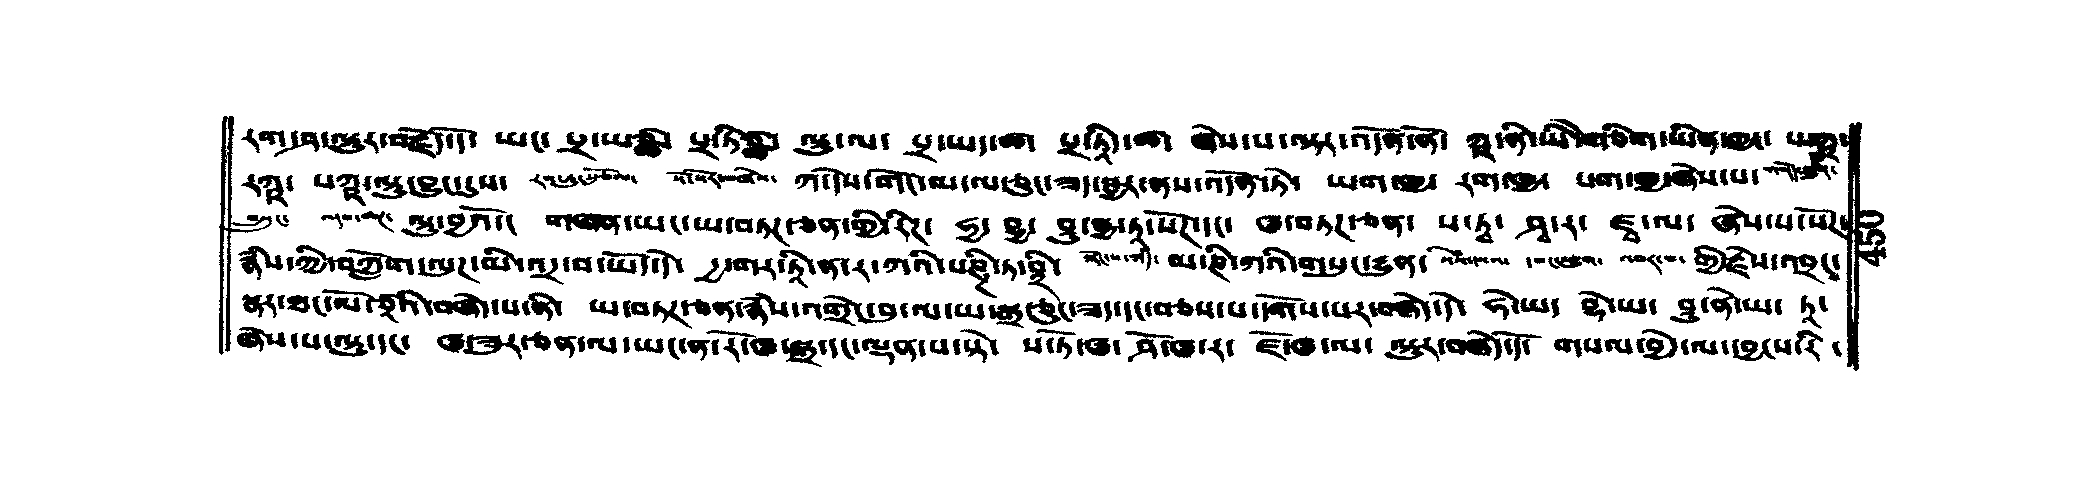རག་ཤ་ལྟ་བུར་བརྗོད་དོ། ཡང་། པྲ་ཡཙྪ། པྲ་ཏིཙྪ། ལྟ་བུ་ལ། པྲ་ཡད་ཚ། པྲ་ཏཱིད་ཚ། ཞེས་པ་ལྟར་འདོན་ནོ། ཀྵ་ནི་ཡི་གེ་གཅིག་ཡིན་ཀྱང་། པཀྵ། 
རཀྵ། པཀྵ་ལྟ་བུ་བྱུང་དུས། ཀ་དེས་གོང་མ་ལ་ཅུང་ཟད་སྦྱར་ནས་འདོན་ཏེ། ཡག་ཁྱ། རག་ཁྱ། པག་ཁྱ་ཞེས་པ་ལྟ་བུ་བྱའོ། 
བསྲུང་འདས་ཆགས་ སྐུ་བྱའོ། གཞན་ཡང་ཡ་བཏགས་ཅན་གྱི་རིགས། ཧྱ། བྷྱ། ཤུ་ནྱ་ཏཱ་སོགས་དང་། ཝ་བཏགས་ཅན། ས་ཏྭ། ཤྭ་ར། ཛྭ་ལ། ཞེས་པ་སོགས་
རྣམས་ཀྱི་བཀློག་ལུགས་མི་འདྲ་བ་ཡོད་དེ། རྒྱ་གར་ཏཱི་ན་ར་ཀའི་པཎྜི་ཏ་ཤྲཱི་མ་ཎི་ཀའི་གསུང་རྒྱུན་གྱི་རྗེས་འབྲངས་
སྣར་ཐང་ལོ་ཙཱའི་བཞེད་པ་ནི། ཡ་བཏགས་ཅན་རྣམས་འགྲེང་བུ་ལ་ཡ་སྒྲ་ཅུང་ཟད་དང་བཅས་པ་དགོས་པར་བཞེད་དེ། ཧེ་ཡ། བྷེ་ཡ། ཤུ་ནེ་ཡ་ཏཱ་
ཞེས་པ་ལྟ་བུ་དང་། ཝ་ཟུར་ཅན་ལ་ཡང་ན་རོ་ཝ་སྒྲ་དང་ལྡན་པ་སྟེ། ས་ཏོ་ཝ། ཤོ་ཝ་ར། ཛོ་ཝ་ལ། ལྟ་བུར་བཞེད་དོ། གསལ་བྱེད་ལ་དབྱངས་རི་